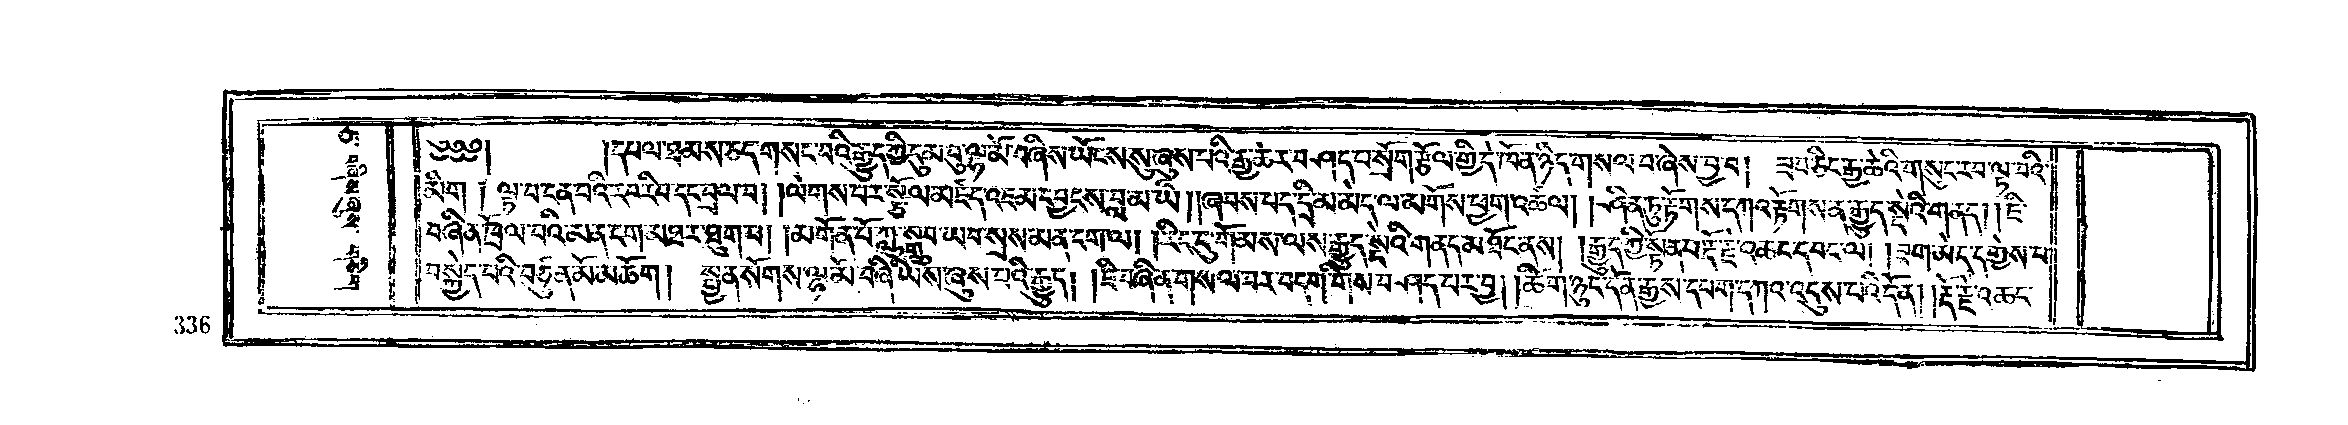༄༅༅། །དཔལ་ཐམས་ཅད་གསང་བའི་རྒྱུད་ཀྱི་དུམ་བུ་ལྷ་མོ་བཞིས་ཡོངས་སུ་ཞུས་པའི་རྒྱ་ཆེར་བཤད་པ་སྲོག་རྩོལ་གྱི་དེ་ཁོ་ན་ཉིད་གསལ་བ་ཞེས་བྱ་བ། ཟབ་ཅིང་རྒྱ་ཆེའི་གསུང་རབ་ལྟ་བའི་
མིག །ལྟ་བ་ངན་པའི་རབ་རིབ་དང་བྲལ་བ། །ལེགས་པར་སྩོལ་མཛད་འཇམ་དབྱངས་བླ་མ་ཡི། །ཞབས་པད་དྲི་མ་མེད་ལ་མགོས་ཕྱག་འཚལ། །ཤིན་ཏུ་རྟོགས་དཀའ་རྟོགས་ན་རྒྱུད་སྡེའི་གནད། །ཇི་
བཞིན་ཁྲོལ་བའི་མན་ངག་མཐར་ཐུག་པ། །མགོན་པོ་ཀླུ་སྒྲུབ་ཡབ་སྲས་མན་ངག་ལ། །རིང་དུ་གོམས་ལས་རྒྱུད་སྡེའི་གནད་མཐོང་ནས། །རྒྱུད་ཀྱི་སྟོན་པ་རྡོ་རྗེ་འཆང་དབང་ལ། །ཟག་མེད་དགྱེས་པ་
བསྐྱེད་པའི་བཙུན་མོ་མཆོག །སྤྱན་སོགས་ལྷ་མོ་བཞི་ཡིས་ཞུས་པའི་རྒྱུད། །ཇི་བཞིན་གསལ་བར་བདག་གིས་བཤད་པར་བྱ། །ཚིག་ཉུང་དོན་རྒྱས་དཔག་དཀའ་འདུས་པའི་དོན། །རྡོ་རྗེ་འཆང་